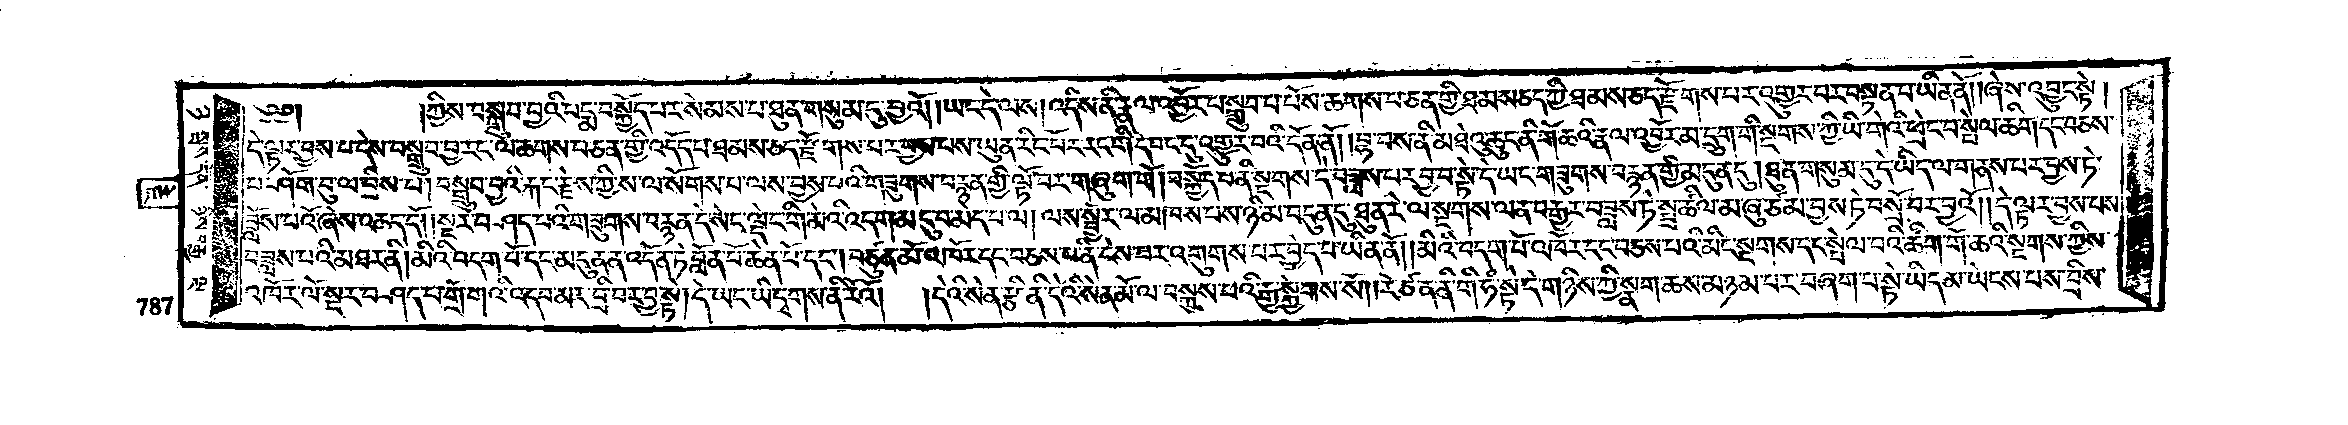༄༅། །ཀྱིས་བསྒྲུབ་བྱའི་པདམ་བསྐྱིད་པར་སེམས་པ་ཐུན་གསུམ་དུ་བྱའོ། །ཡང་དེ་ལས། འདིས་ནི་རྣལ་འབྱོར་པ་སྒྲུབ་པ་པོས་ཆགས་པ་ཅན་གྱི་ཐམས་ཅད་ཀྱི་ཐམས་ཅད་རྫོགས་པར་འགྱུར་བར་བསྟན་པ་ཡིན་ནོ། །ཞེས་འབྱུང་སྟེ།
དེ་ལྟར་བྱས་པ་དེས་བསྒྲུབ་བྱ་རང་ལ་ཆགས་པ་ཅན་གྱི་འདོད་པ་ཐམས་ཅད་རྫོགས་པར་བྱས་པས་ཡུན་རིང་པོར་རང་གི་དབང་དུ་འགྱུར་པའི་དོན་ནོ། །བྷ་བས་ནི་མཐེའུ་ཆུང་ནི་གོ་ཆའི་རྣལ་འབྱོར་མ་དྲུག་གི་སྔགས་ཀྱི་ཡི་གེའི་ཕྲེང་བ་སྤེལ་ཚིག་དང་བཅས་
པ་ཤོག་བུ་ལ་བྲིས་པ། བསྒྲུབ་བྱའི་རྐང་རྗེས་ཀྱི་ས་ལ་སོགས་པ་ལས་བྱས་པའི་གཟུགས་བརྙན་གྱི་ལྟོ་བར་གཞུག་གོ །བསྐྱོད་པ་ནི་སྔགས་དེ་བཟླས་པར་བྱ་བ་སྟེ་དེ་ཡང་གཟུགས་བརྙན་གྱི་མདུན་དུ། ཐུན་གསུམ་དུ་དེ་ཡིད་ལ་གནས་པར་བྱས་ཏེ་
ཟློས་པའོ་ཞེས་འཆད་དོ། །སྔར་བཤད་པའི་གཟུགས་བརྙན་དེ་སེང་ལྡེང་གི་མེའི་འདག་མདུ་བ་མེད་པ་ལ། ལས་སྦྱོར་ལ་མཁས་པས་ཉི་མ་བདུན་དུ་ཐུན་རེ་ལ་སྔགས་ལན་བརྒྱར་བཟླས་ཏེ་སྤྲ་ཚིལ་མ་ཞུ་ཙམ་བྱས་ཏེ་བསྲོ་བར་བྱའོ། །དེ་ལྟར་བྱས་པས་
བཟླས་པའི་མཐར་ནི། མིའི་བདག་པོ་དང་མདུན་ན་འདོན་ཏེ་བློ་པོ་ཆེན་པོ་དང་། བཙུན་མོ་འཁོར་དང་བཅས་པ་ནི་ངེས་པར་འགུགས་པར་བྱེད་པ་ཡིན་ནོ། །མིའི་བདག་པོ་འཁོར་དང་བཅས་པའི་མིང་སྔགས་དང་སྤེལ་བའི་ཚིག་གོ་ཆའི་སྔགས་ཀྱིས་
འཁོར་ལོ་སྔར་བཤད་པ་གྲོ་གའི་འདབ་མར་བྲི་བར་བྱ་སྟེ། དེ་ཡང་ཡི་དྭགས་ནི་རོའོ། །དེའི་སེན་རྩི་ནི་དེའི་སེན་མོ་ལ་བསྐུས་པའི་རྒྱ་སྐྱེགས་སོ། །རེ་ཙ་ན་ནི་གི་ཧཾ་སྟེ་དེ་གཉིས་ཀྱི་སྣག་ཆས་མཉམ་པར་བཞག་པ་སྟེ་ཡིད་མ་ཡོངས་པས་བྲིས་